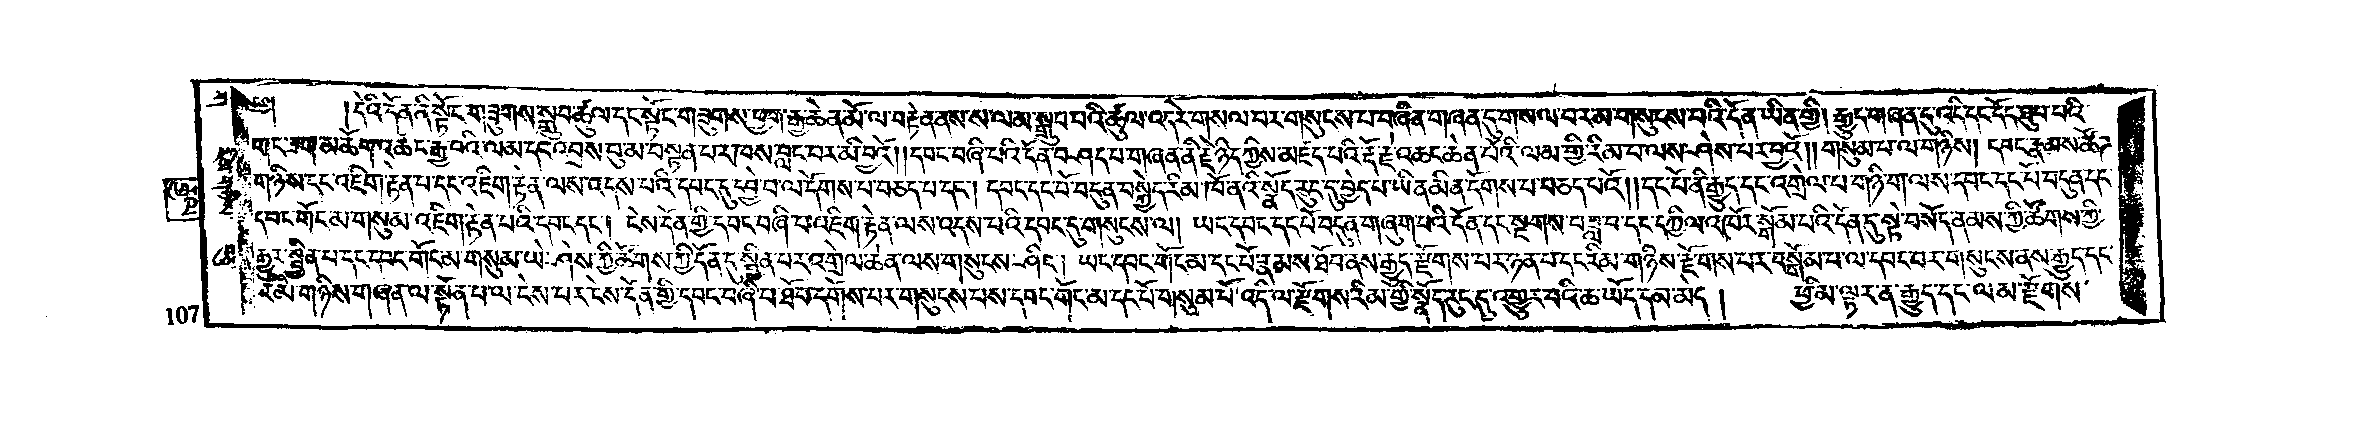༄༅། །དེའི་དོན་ནི་སྟོང་གཟུགས་སྒྲུབ་ཚུལ་དང་སྟོང་གཟུགས་ཕྱག་རྒྱ་ཆེན་མོ་ལ་བརྟེན་ནས་ས་ལམ་སྒྲུབ་པའི་ཚུལ་འདེར་གསལ་བར་གསུངས་པ་བཞིན་གཞན་དུ་གསལ་བར་མ་གསུངས་པའི་དོན་ཡིན་གྱི། རྒྱུད་གཞན་དུ་འདི་དང་དོད་ཐུབ་པའི་
གང་ཟག་མཆོག་འཚང་རྒྱ་བའི་ལམ་དང་འབྲས་བུ་མ་བསྟན་པར་ཁས་བླང་བར་མི་བྱའོ། །དབང་བཞི་པའི་དོན་བཤད་པ་གཞན་ནི་རྗེ་ཉིད་ཀྱིས་མཛད་པའི་རྡོ་རྗེ་འཆང་ཆེན་པོའི་ལམ་གྱི་རིམ་པ་ལས་ཤེས་པར་བྱའོ། །གསུམ་པ་ལ་གཉིས། དབང་རྣམས་ཚོགས་
གཉིས་དང་འཇིག་རྟེན་པ་དང་འཇིག་རྟེན་ལས་འདས་པའི་དབང་དུ་དབྱེ་བ་ལ་དོགས་པ་བཅད་པ་དང་། དབང་དང་པོ་བདུན་བསྐྱེད་རིམ་ཁོ་ནའི་སྣོད་རུང་དུ་བྱེད་པ་ཡིན་མིན་དོགས་པ་བཅད་པའོ། །དང་པོ་ནི་རྒྱུད་དང་འགྲེལ་པ་གཉི་ག་ལས་དབང་དང་པོ་བདུན་དང་
དབང་གོང་མ་འཇིག་རྟེན་པ་དང་འཇིག་རྟེན་ལས་འདས་པའི་དབང་དུ་དབྱེ་བ་ལ་དོགས་པ་བཅད་པ་དང་། དབང་དང་པོ་བདུན་བསྐྱེད་རིམ་ཁོ་ནའི་སྣོད་རུང་དུ་བྱེད་པ་ཡིན་མིན་དོགས་པ་བཅད་པའོ། །དང་པོ་ནི་རྒྱུད་དང་འགྲེལ་པ་གཉི་ག་ལས་དབང་དང་པོ་བདུན་དང་
རྒྱུར་སྦྱིན་པ་དང་དབང་གོང་མ་གསུམ་ཡེ་ཤེས་ཀྱི་ཚོགས་ཀྱི་དོན་དུ་སྦྱིན་པར་འགྲེལ་ཆེན་ལས་གསུངས་ཤིང་། ཡང་དབང་གོང་མ་དང་པོ་རྣམས་ཐོབ་ནས་རྒྱུད་རྫོགས་པར་ཉན་པ་དང་རིམ་གཉིས་རྫོགས་པར་བསྒོམ་པ་ལ་དབང་བར་གསུངས་ནས་རྒྱུད་དང་
རིམ་གཉིས་གཞན་ལ་སྟོན་པ་ལ་ངེས་པར་ངེས་དོན་གྱི་དབང་བཞི་པ་ཐོབ་དགོས་པར་གསུངས་པས་དབང་གོང་མ་དང་པོ་གསུམ་པོ་འདི་ལ་རྫོགས་རིམ་གྱི་སྣོད་རུང་དུ་འགྱུར་བའི་ཆ་ཡོད་དམ་མེད། ཕྱི་མ་ལྟར་ན་རྒྱུད་དང་ལམ་རྫོགས་